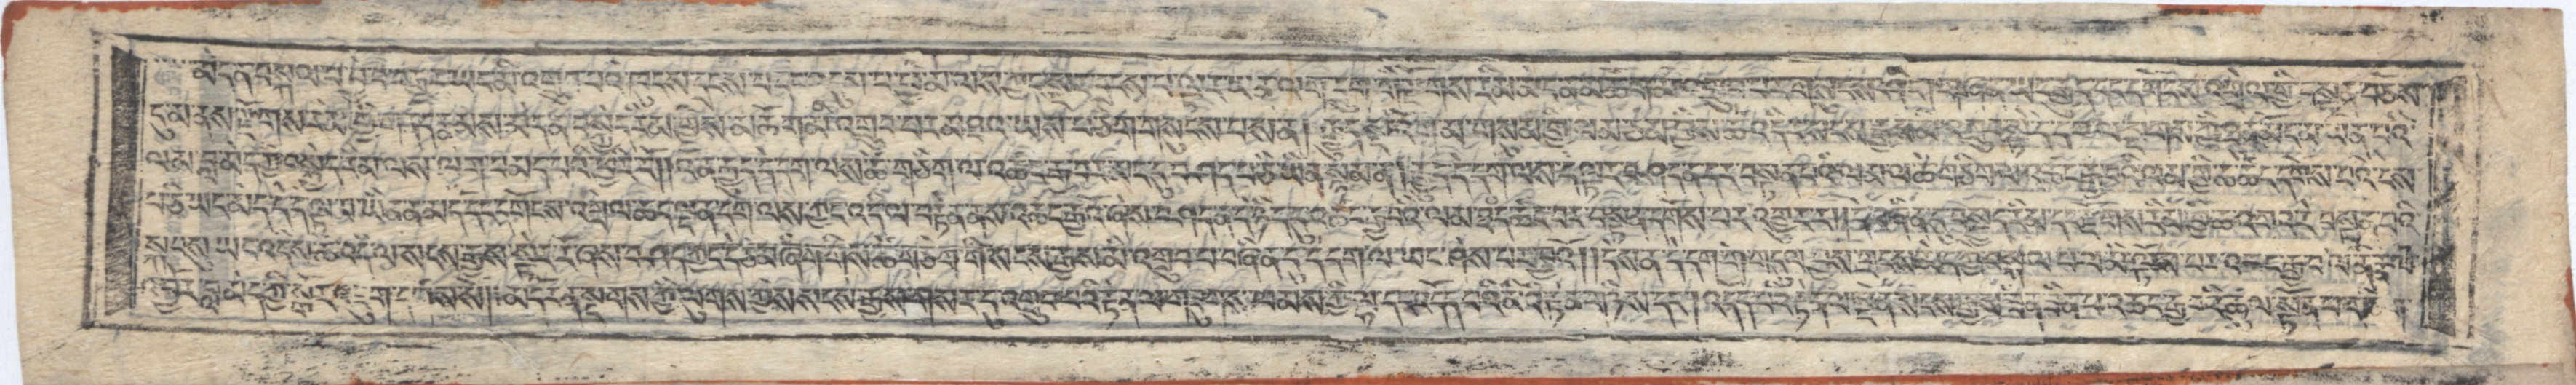མེད་ན་བསྐལ་པ་བྱེ་བ་བརྒྱར་ཡང་མི་འགྲུབ་པའི་ཁུངས་དྲངས་པ་དང་འདུས་པ་ཕྱི་མ་ལས་ཀྱང་སྔར་དྲངས་པ་ལྟར་ཡན་ལག་དྲུག་གི་རྫོགས་རིམ་མེད་ན་མཆོག་མི་འགྲུབ་པར་གསུངས་ཤིང་། གཞན་ཡང་རྒྱུད་དང་དགོངས་འགྲེལ་གྱི་བསྟན་བཅོས་
དུ་མ་ནས་རྫོགས་རིམ་གྱི་གནད་རྣམས་མེད་ན་བསྐྱེད་རིམ་གྱིས་མཆོག་མི་འགྲུབ་པར་མཐའ་ཡས་པ་ཅིག་གསུངས་པས་ན། རྒྱུད་སྡེ་འོག་མ་གསུམ་གྱི་ལམ་ཙམ་གྱིས་ཚེ་འདིར་སངས་རྒྱས་མི་འགྲུབ་སྟེ་དེ་དག་ལ་སྔགས་ཀྱི་ཐུན་མོང་མ་ཡིན་པའི་
ལམ་བླ་མེད་ཀྱི་བསྐྱེད་རིམ་ལས་ལྷག་པ་མད་པའི་ཕྱིར་རོ། །འོ་ན་རྒྱུད་དེ་དག་ལས་ཚེ་གཅིག་ལ་འཚང་རྒྱ་བར་མང་དུ་བཤད་པ་ཅི་ཡིན་སྙམ་ན། རྒྱུད་དེ་དག་ལས་དེ་ལྟར་བཤད་ན་དེར་བསྟན་པའི་ལམ་ལ་ཚེ་གཅིག་ལ་འཚང་རྒྱ་བའི་ལམ་གྱི་ཆ་ཚང་དགོས་པའི་ངེས་
པ་ཅི་ཡང་མེད་དེ་དེ་ལྟ་མ་ཡིན་ན་མདོ་དང་དགོངས་འགྲེལ་ཆད་ལྡན་དག་ལས་ཀྱང་འདི་ལ་བརྟེན་ནས་འཚང་རྒྱའོ་ཞེས་བཤད་ན་དེ་ཉིད་དུ་འཚང་རྒྱ་བའི་ལམ་ཐམས་ཅད་ཚང་བར་བསྟན་དགོས་པར་འགྱུར་རོ། །དེ་བཞིན་དུ་བསྐྱེད་རིམ་དང་རྫོགས་རིམ་གྱི་ཆ་འགའ་རེ་བསྟན་པའི་
སྐབས་སུ་ཡང་འདིས་ཚེ་འདི་ལ་སངས་རྒྱས་སྟེར་རོ་ཞས་བཤད་ཀྱང་དེ་ཙམ་ཞིག་གིས་ཚེ་གཅིག་གི་སངས་རྒྱས་མི་འགྲུབ་པ་བཞིན་དུ་དེ་དག་ལ་ཡང་ཤེས་པར་བྱའོ། །དེས་ན་དེ་དག་གི་གདུལ་བྱས་གྲངས་མེད་ཀྱི་བསྐལ་པ་ལ་མི་ལྟོས་པར་འཚང་རྒྱ་བ་ལ་ནི་རྣལ་
འབྱོར་བླ་མེད་ཀྱི་སྒོར་འཇུག་དགོས་སོ། །མདོར་ན་སྔགས་ཀྱི་ལུགས་ཀྱིས་སངས་རྒྱས་གསར་དུ་འགྲུབ་པའི་རྟེན་ལ་གཟུགས་ཁམས་ཀྱི་ལྷ་དང་འདོད་པའི་མིའི་རྟེན་གཉིས་དང་། འདོད་པའི་རྟེན་ལ་སྔོན་སངས་རྒྱས་ཟིན་ཟིན་པ་འཚང་རྒྱ་བའི་ཚུལ་སྟོན་པ་གཅིག་